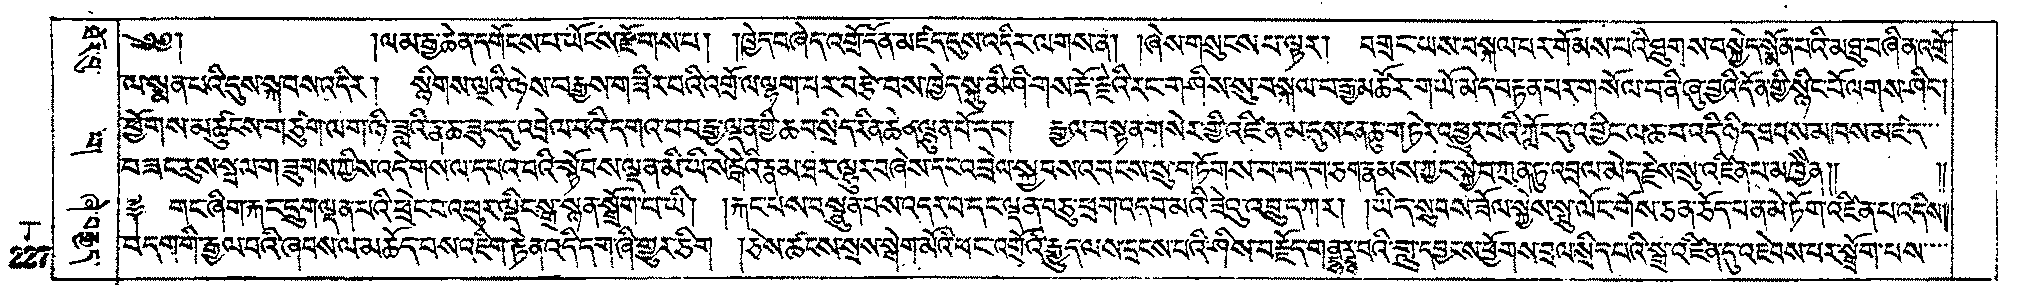༄༅། །ལམ་རྒྱ་ཆེན་དགོངས་པ་ཡོངས་རྫོགས་པ། །ཁྱེད་བཞེད་འགྲོ་དོན་མཛད་དུས་འདིར་ལགས་ན། །ཞེས་གསུངས་པ་ལྟར། བགྲང་ཡང་བསྐལ་པར་གོམས་པའི་ཐུགས་བསྐྱེད་སྨོན་པའི་མཐུ་བཞིན་འགྲོ་
ལ་སྨན་པའི་དུས་སྐབས་འདིར། སྙིགས་ལྔའི་ཉེས་བརྒྱས་གཟིར་བའི་འགྲོ་ལ་ལྷག་པར་བརྩེ་བས་ཁྱེད་སྐུ་མི་ཤིགས་རྡོ་རྗེའི་རང་གཤིས་སུ་བསྐལ་པ་རྒྱ་མཚོར་གཡོ་མེད་བརྟན་པར་གསོལ་བ་ནི་ཞུ་བྱའི་དོན་གྱི་སྙིང་པོ་ལགས་ཤིང་།
ཕྱོགས་མཚུངས་གཙུག་ལག་ཉི་ཟླའི་རྣ་ཆ་ཟུང་དུ་འབྲེལ་བའི་དགའ་བ་བརྒྱ་ལྡན་གྱི་ཆབ་སྲིད་རིན་ཆེན་ལྷུན་པོ་དང་། རྒྱལ་བསྟན་གསེར་གྱི་འཛིན་མ་དུས་ངན་ཆུ་གཏེར་འཕྱུར་བའི་ཀློང་དུ་འབྱིང་ལ་ཆ་བ་འདི་ཉིད་ཐབས་མཁས་མཛད་་་
བཟང་རུས་སྦལ་གཟུགས་ཀྱིས་འདེགས་ལ་དཔའ་བའི་སྟོབས་ལྡན་མི་ཡི་སེངྒེའི་རྣམ་ཐར་ལྷུར་བཞེས་དང་འབྲེལ་སྐྱབས་འབངས་སུ་གཏོགས་པ་བདག་ཅག་རྣམས་ཀྱང་སྐྱེ་བ་ཀུན་ཏུ་འབྲལ་མེད་རྗེས་སུ་འཛིན་པ་མཁྱཻཨེན།། །།
འ་གང་ཞིག་རྐང་དྲུག་ལྡན་པའི་ཕྲེང་བ་འཕུར་ལྡིང་སྒྲ་སྙན་སྒྲོག་པ་ཡི། །རྐང་པས་བསྣུན་པས་འདྲ་བ་དང་ལྡན་བཅུ་ཕྲག་འདབ་མའི་ཟེའུ་འབྲུ་དཀར། །ཡིད་སྲུབས་ཟོལ་སྐྱེས་སྤུ་ལོང་གོས་ཅན་ཅོད་པན་མེ་ཏོག་འཛིན་པ་འདིས།
བདག་གི་རྒྱལ་བའི་ཞབས་ལ་མཆོད་པས་འཇིག་རྟེན་འདི་དག་ཞི་གྱུར་ཅིག །ཅེས་ཚངས་སྲས་སྒེག་མོའི་ཕང་འགྲོའི་རྒྱུད་ལས་དྲངས་པའི་ཤིས་བརྗོད་གནྡྷརྦྷ་བའི་གླུ་དབྱངས་ཕྱོགས་བྲལ་སྲིད་པའི་སྒྲ་འཛིན་དུ་འཇེབས་པར་སྒྲོག་པས་་་